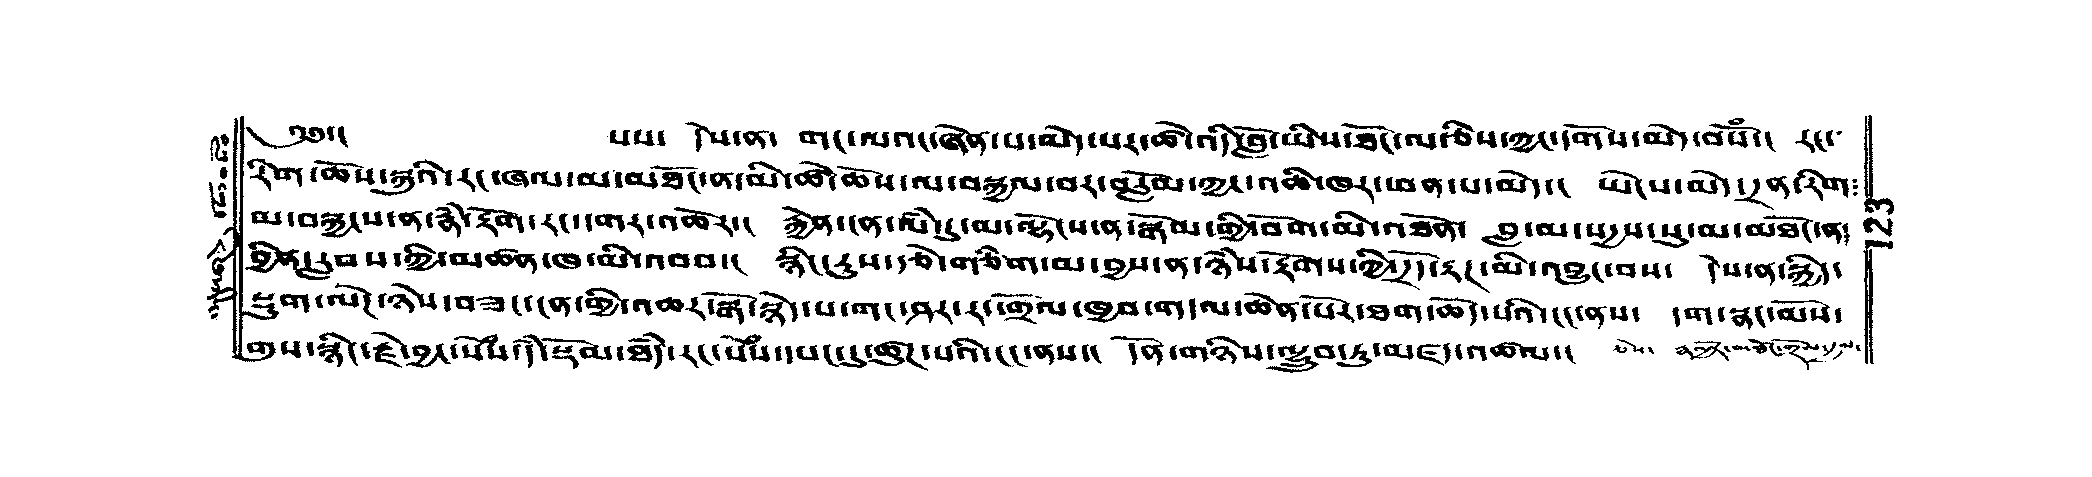པས། དེས་ན་གང་ལའང་ཞེན་པ་མེད་པར་ཚེ་འདི་བློ་ཡིས་ཐོང་ལ་ཅིས་ཀྱང་དགོས་མེད་སོམས། རང་
རིག་ཆོས་སྐུའི་རང་ཞལ་མ་མཐོང་ན་མི་ཚེ་ཆོས་ལ་བསྐྱལ་བར་རློམས་ཀྱང་ཕྱི་མ་ཕན་པ་མེད། ཡེངས་མེད་དྲན་རིག་
མ་བསྐྱངས་ན་རྣམ་རྟོག་རང་གར་འཆོར། རྐྱེན་ངན་ལམ་དུ་མ་ལྷོངས་ན་སྒོམ་གྱི་བོགས་མི་འཐོན། བླ་མ་སངས་རྒྱས་སུ་མ་མཐོང་ན་
བྱིན་རླབས་ཀྱི་ཚན་ཁ་མི་འབབ། སྙིང་རུས་རྩེ་གཅིག་མ་བྱས་ན་ཉམས་རྟོགས་ཀྱི་དྲོད་རྟགས་མི་འབྱུང་བས། དེས་ན་སྐྱིད་
སྡུག་ལེགས་ཉེས་བཟང་ངན་གྱི་འཆར་སྒོ་ཇི་རྙེད་པ་གང་ཤར་རང་གྲོལ་ཁྱབ་གདལ་ཆེན་པོར་ཐག་ཆོད་པའི་ངང་ནས་དག་སྣང་མོས་
གུས་སྙིང་རྗེ་བྱང་སེམས་དམ་སྡོམ་ཐམས་ཅད་རང་སེམས་དཔང་དུ་ཚུགས་པའི་ངང་ནས་དོན་གཉིས་ལྷུན་གྲུབ་ཏུ་མཛད་འཚལ། ཞེས་རྣལ་འབྱོར་མཐོང་གྲོལ་རྒྱལ་པོ་ལ་གདམས་པའོ།།